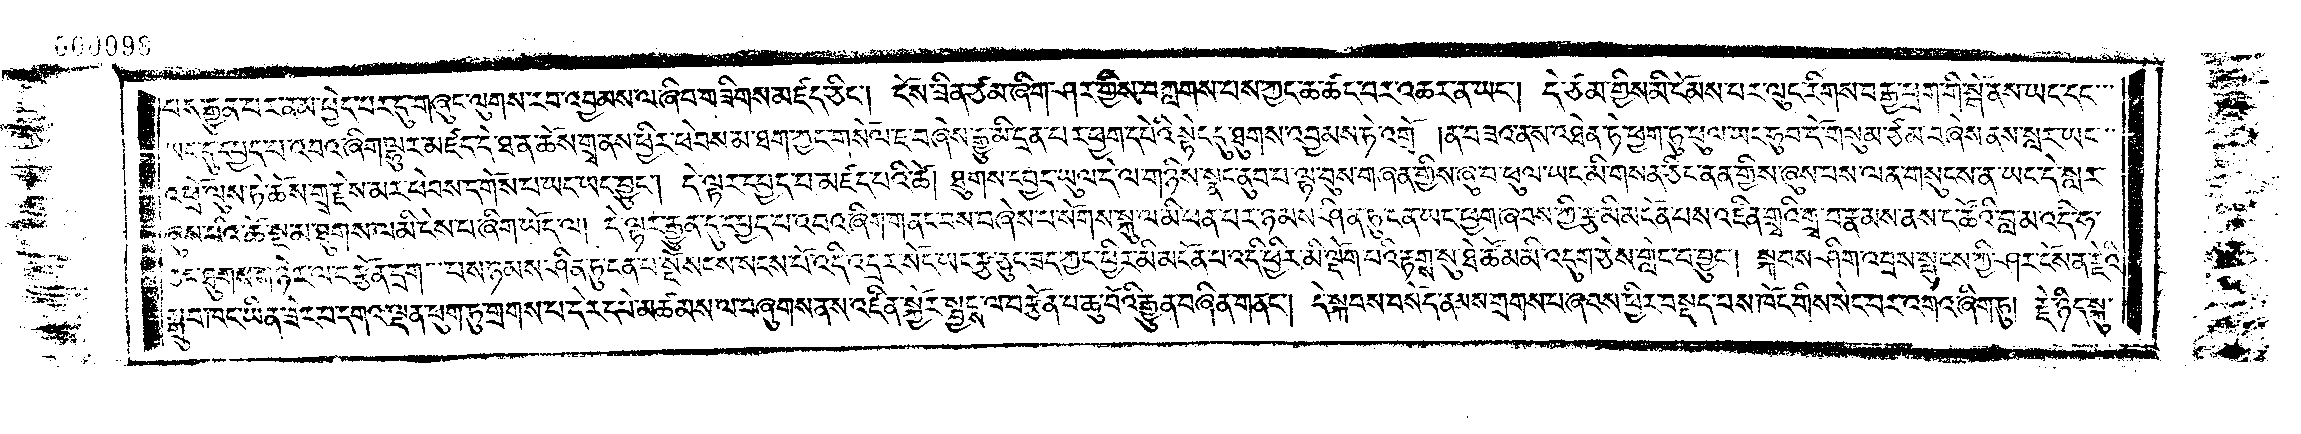བས་རྒྱུན་བར་ནམ་ཕྱེད་པར་དུ་གཞུང་ལུགས་རབ་འབྱམས་ལ་ཞིབ་གཟིགས་མཛད་ཅིང་། ངོས་ཟིན་ཙམ་ཞིག་ཤར་གྱིས་བཀླགས་པས་ཀྱང་ཆ་ཚང་བར་འཆར་ན་ཡང་། དེ་ཙམ་གྱིས་མི་ངོམས་པར་ལུང་རིགས་བརྒྱ་ཕྲག་གི་སྒོ་ནས་ཡང་དང་
ཡང་དུ་དཔྱད་པ་འབའ་ཞིག་ལྷུར་མཛད་དེ་ཐ་ན་ཆོས་གྲྭ་ནས་ཕྱིར་ཕེབས་མ་ཐག་ཀྱང་གསོལ་ཇ་བཞེས་རྒྱུ་མི་དྲན་པར་ཕྱག་དཔེའི་སྟེང་དུ་ཐུགས་འབྱམས་ཏེ་འགྲོ་།ན་བཟའ་ནས་འཐེན་ཏེ་ཕྱག་ཏུ་ཕུལ་ཡང་ཧུབ་དོ་གསུམ་ཙམ་བཞེས་ནས་སླར་ཡང་
འཕྲོ་ལུས་ཏེ་ཆོས་གྲྭ་རྗེས་མར་ཕེབས་དགོས་པ་ཡང་ཡང་བྱུང་། དེ་ལྟར་དཔྱད་པ་མཛད་པའི་ཚེ། ཐུགས་དཔྱད་ཡུལ་དེ་ལ་གཉིས་སྣང་ནུབ་པ་ལྟ་བུས་གཞན་གྱིས་ཞུ་བ་ཕུལ་ཡང་མི་གསན་ཅིང་ནན་གྱིས་ཞུས་པས་ལན་གསུངས་ན་ཡང་དེ་སླར་
ཞུས་པའི་ཚེ་སྔ་མ་ཐུགས་ལ་མི་ངེས་པ་ཞིག་ཡོད་ལ། དེ་ལྟར་རྒྱུན་དུ་དཔྱད་པ་འབའ་ཞིག་གནང་བས་བཞེས་པ་སོགས་སྐུ་ལ་མི་ཕན་པར་ཉམས་ཤིན་ཏུ་ངན་ཡང་ཕྱག་ཞབས་ཀྱི་རྩ་མི་མངོན་པས་འཛིན་གྲྭའི་གྲྭ་བ་རྣམས་ནས་ང་ཚོའི་བླ་མ་འདི་ཧ་
ཅང་ཐུགས་གཉེར་ལང་རྩོན་དྲག་པས་ཉམས་ཤིན་ཏུ་ངན་པ་སྔོ་སང་ས་སངས་པོ་འདི་འདྲར་སོང་ཡང་རྩ་ཅུང་ཟད་ཀྱང་ཕྱིར་མི་མངོན་པ་འདི་ཕྱིར་མི་ལྡོག་པའི་རྟགས་སུ་ཐེ་ཚོམ་མི་འདུག་ཅེས་གླེང་བ་བྱུང་། སྐབས་ཤིག་འབྲས་སྤུངས་ཀྱི་ཤར་ངོས་ན་རྗེའི་
སྒྲུབ་ཁང་ཡིན་ཟེར་བ་དགའ་ལྡན་ཕུག་ཏུ་གྲགས་པ་དེར་དཔེ་མཚམས་ལ་བཞུགས་ནས་འཛིན་སྐྱོང་སྦྱངས་ལ་བརྩོན་པ་ཆུ་བོའི་རྒྱུན་བཞིན་གནང་། དེ་སྐབས་བསོད་ནམས་གྲགས་པ་ཞབས་ཕྱིར་བསྡད་པས་ཁོང་གིས་སེང་བར་འགའ་ཞིག་ཏུ། རྗེ་ཉིད་སྐུ་